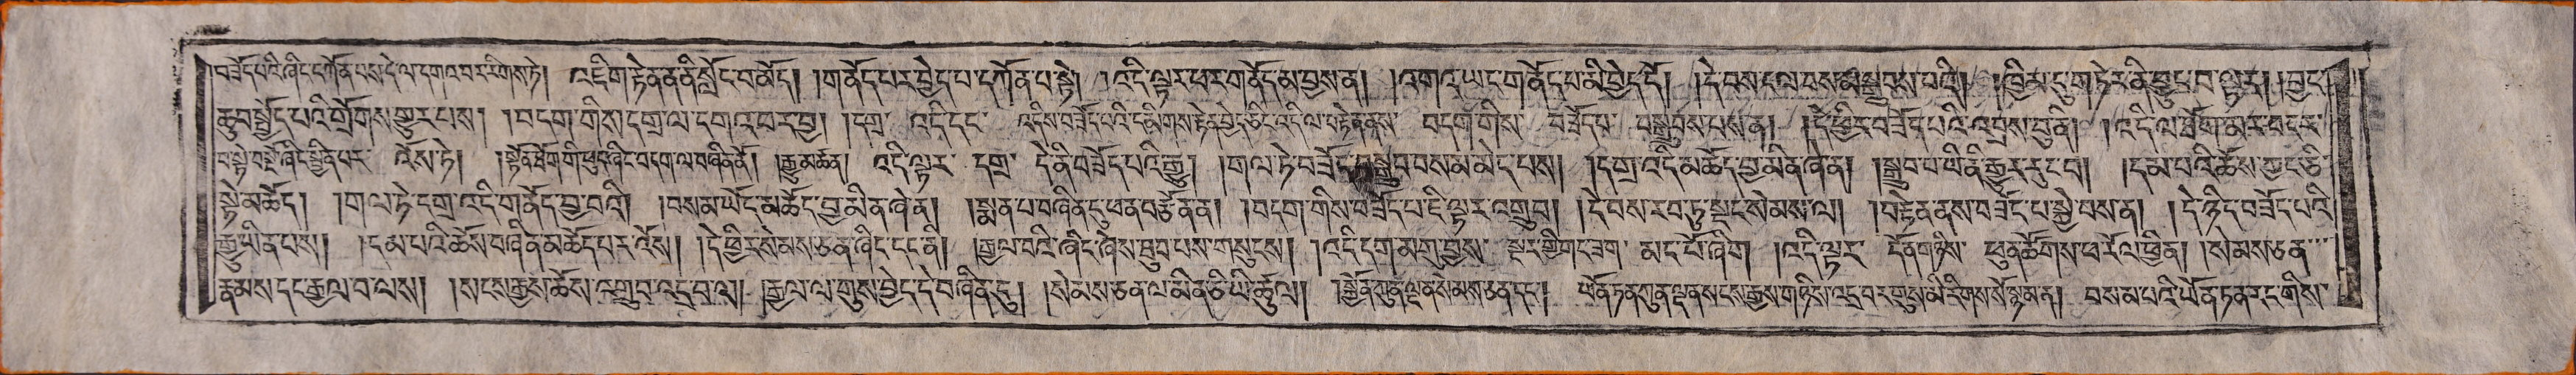བཟོད་པའི་ཞིང་དགོན་པས་དེ་ལ་དགའ་བར་རིགས་ཏེ། འཇིག་རྟེན་ན་ནི་སློང་བ་མོད། །གནོད་པར་བྱེད་བ་དཀོན་པ་སྟེ། །འདི་ལྟར་ཕར་གནོད་མ་བྱས་ན། །འགའ་ཡང་གནོད་པ་མི་བྱེད་དོ། །དེ་བས་ངལ་བས་མ་སྒྲུབས་པའི། །ཁྱིམ་དུ་གཏེར་ནི་ཕྱུང་བ་ལྟར། །བྱང་
ཆུབ་སྤྱོད་པའི་གྲོགས་གྱུར་པས། །བདག་གིས་དགྲ་ལ་དགའ་བར་བྱ། །དགྲ་འདི་དང་འདིས་བཟོད་པའི་དམིགས་རྟེན་བྱེད་ཅིང་འདི་ལ་བརྟེན་ནས་བདག་གིས་བཟོད་པ་བསྒྲུབས་པས་ན། །དེ་ཕྱིར་བཟོད་པའི་འབྲས་བུ་ནི། །འདི་ལ་ཐོག་མར་བདར་
བསྟོ་བསྔོ་ཞིང་སྦྱིན་པར་འོས་ཏེ། །སྟོན་ཐོག་གི་ཕུང་ཞིང་བདག་ལ་བཞིན་ནོ། །རྒྱུ་མཚན།  འདི་ལྟར་དགྲ་དེ་ནི་བཟོད་པའི་རྒྱུ། །གལ་ཏེ་བཟོད་བསྒྲུབ་བསམ་མེད་པས། །དགྲ་འདི་མཆོད་བྱ་མིན་ཞེ་ན། །སྒྲུབ་པ་ཡི་ནི་རྒྱུར་རུང་བ། །དམ་པའི་ཆོས་ཀྱང་ཅི་
སྟེ་མཆོད། །གལ་ཏེ་དགྲ་འདི་གནོད་བྱ་བའི། །བསམ་ཡོད་མཆོད་བྱ་མིན་ཞེ་ན། །སྨན་པ་བཞིན་དུ་ཕན་བརྩོན་ན། །བདག་གིས་བཟོད་པ་ཇི་ལྟར་འགྲུབ། །དེ་བས་རབ་ཏུ་སྡང་སེམས་ལ། །བརྟེན་ནས་བཟོད་པ་སྐྱེ་བས་ན། །དེ་ཉིད་བཟོད་པའི་
རྒྱུ་ཡིན་པས། །དམ་པའི་ཆོས་བཞིན་མཆོད་པར་འོས། །དེ་ཕྱིར་སེམས་ཅན་ཞིང་དང་ནི། །རྒྱལ་བའི་ཞིང་ཞེས་ཐུབ་པས་གསུངས། །འདི་དག་མགུ་བྱས་སྔར་གྱི་གང་ཟག་མང་པོ་ཞིག །འདི་ལྟར་དོན་གཉིས་ཕུན་ཚོགས་ཕ་རོལ་ཕྱིན། །སེམས་ཅན་
རྣམས་དང་རྒྱལ་བ་ལས། །སངས་རྒྱས་ཆོས་འགྲུབ་འདྲ་བ་ལ། །རྒྱལ་ལ་གུས་བྱེད་དེ་བཞིན་དུ། །སེམས་ཅན་ལ་མིན་ཅི་ཡི་ཚུལ། །སྐྱོན་ཀུན་ལྡན་སེམས་ཅན་དང་། ཡོན་ཏན་ཀུན་ལྡན་སངས་རྒྱས་གཉིས་འདྲ་བར་གུས་མི་རིགས་སོ་སྙམ་ན།  བསམ་པའི་ཡོན་ཏན་རང་གིས་